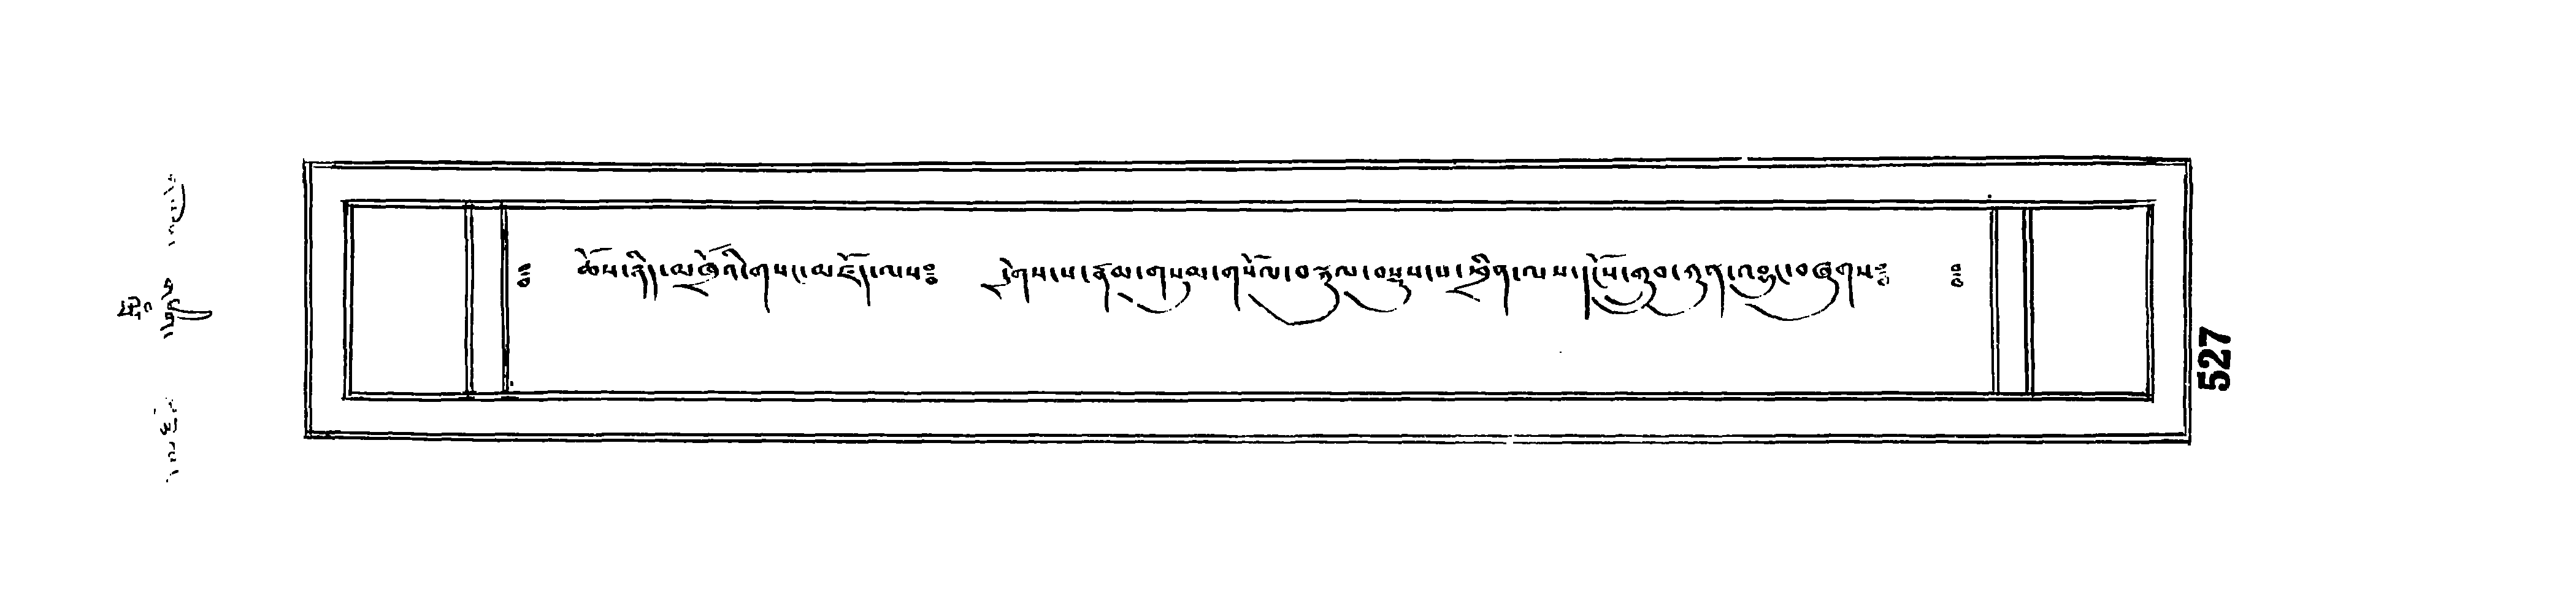ཆོས་ཉིད་མཁའ་འགྲོའི་གསང་མཛོད་ལས༔ དྲེགས་པ་རྣམ་གསུམ་གསོལ་བསྐུལ་བསྡུས་པ་ཕྲིན་ལས་དངོས་གྲུབ་ཀུན་འབྱུང་བཞུགས༔